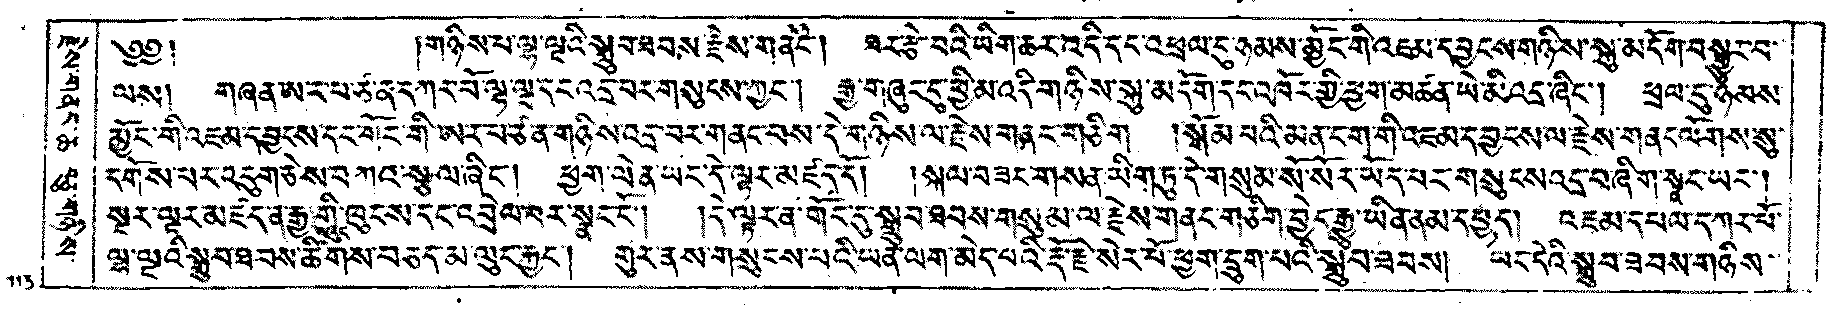༄༅། །གཉིས་པ་ལྷ་ལྔའི་སྒྲུབ་ཐབས་རྗེས་གནང ༣༢། ཐར་རྩེ་བའི་ཡིག་ཆར་འདི་དང་འཕྲལ་དུ་ཉམས་མྱོང་གི་འཇམ་དབྱངས་གཉིས་སྐུ་མདོག་བསྒྱུར་བ་
ལས། གཞན་ཨ་ར་པ་ཙ་ན་དཀར་པོ་ལྷ་ལྔ་དང་འདྲ་བར་གསུངས་ཀྱང་། རྒྱ་གཞུང་དུ་ཕྱི་མ་འདི་གཉིས་སྐུ་མདོག་དང་འཁོར་གྱི་ཕྱག་མཚན་ཡེ་མི་འདྲ་ཞིང་། ཕྲལ་དུ་ཉམས་
མྱོང་གི་འཇམ་དབྱངས་དང་གོང་གི་ཨ་ར་པ་ཙ་ན་གཉིས་འདྲ་བར་གནང་བས་དེ་གཉིས་ལ་རྗེས་གནང་གཅིག །སྒོམ་པའི་མན་ངག་གི་འཇམ་དབྱངས་ལ་རྗེས་གནང་ལོགས་སུ་
དགོས་པར་འདུག་ཅེས་བཀའ་སྩལ་ཞིང་། ཕྱག་ལེན་ཡང་དེ་ལྟར་མཛད་དོ། །སྐལ་བཟང་གསན་ཡིག་ཏུ་དེ་གསུམ་སོ་སོར་ཡོད་པར་གསུངས་འདྲ་བ་ཞིག་སྣང་ཡང་།
སྔར་ལྟར་མཛད་ན་རྒྱ་གཞུང་གི་ཁུངས་དང་འབྲེལ་བར་སྣང་ངོ། །དེ་ལྟར་ན་གོང་དུ་སྒྲུབ་ཐབས་གསུམ་ལ་རྗེས་གནང་གཅིག་བྱེད་རྒྱུ་ཡིན་ནམ་དཔྱད། འཇམ་དཔལ་དཀར་པོ་
ལྷ་ལྔའི་སྒྲུབ་ཐབས་ཚིགས་བཅད་མ་ལུང་རྐྱང་། གུར་ནས་གསུངས་པའི་ཡན་ལག་མེད་པའི་རྡོ་རྗེ་སེར་པོ་ཕྱག་དྲུག་པའི་སྒྲུབ་ཐབས། ཡང་དེའི་སྒྲུབ་ཐབས་གཉིས་